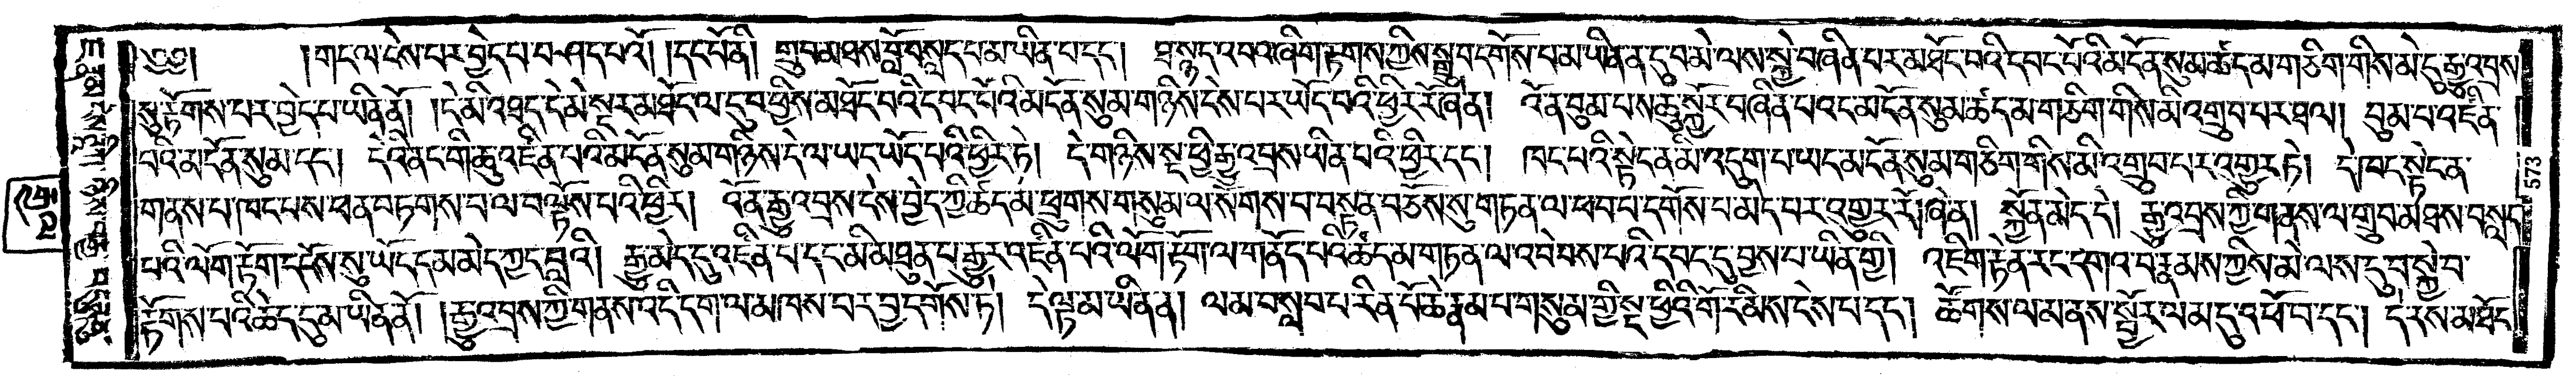༄༅། །གང་ལ་ངེས་པར་བྱེད་པ་བཤད་པའོ། །དང་པོ་ནི། གྲུབ་མཐས་བློ་བསླད་པ་མ་ཡིན་པ་དང་། ཐ་སྙད་འབའ་ཞིག་རྟགས་ཀྱིས་སྒྲུབ་དགོས་པ་མ་ཡིན་ན་དུ་བ་མེ་ལས་སྐྱེ་བཞིན་པར་མཐོང་བའི་དབང་པོའི་མངོན་སུམ་ཚད་མ་གཅིག་གིས་མེ་དུ་རྒྱུ་འབྲས་
སུ་རྟོགས་པར་བྱེད་པ་ཡིན་ནོ། །དེ་མི་འཐད་དེ་མེ་སྔར་མཐོང་ལ་དུ་བ་ཕྱིས་མཐོང་བའི་དབང་པོའི་མངོན་སུམ་གཉིས་ངེས་པར་ཡོད་པའི་ཕྱིར་རོ་ཞེ་ན། འོ་ན་བུམ་པས་ཆུ་སྐྱོར་བཞིན་པའང་མངོན་སུམ་ཚད་མ་གཅིག་གིས་མི་འགྲུབ་པར་ཐལ། བུམ་པ་འཛིན་
པའི་མངོན་སུམ་དང་། དེའི་ནང་གི་ཆུ་འཛིན་པའི་མངོན་སུམ་གཉིས་དེ་ལ་ཡང་ཡོད་པའི་ཕྱིར་ཏེ། དེ་གཉིས་སྔ་ཕྱི་རྒྱུ་འབྲས་ཡིན་པའི་ཕྱིར་དང་། ཁང་པའི་སྟེང་ན་མི་འདུག་པ་ཡང་མངོན་སུམ་གཅིག་གིས་མི་འགྲུབ་པར་འགྱུར་ཏེ། དེ་ཁང་སྟེང་ན་
གནས་པ་ཁང་པས་ཕན་བཏགས་པ་ལ་བལྟོས་པའི་ཕྱིར། འོ་ན་རྒྱུ་འབྲས་ངེས་བྱེད་ཀྱི་ཚད་མ་ཕྲུགས་གསུམ་ལ་སོགས་པ་བསྟན་བཅོས་སུ་གཏན་ལ་ཕབ་པ་དགོས་པ་མེད་པར་འགྱུར་རོ། ཞེ་ན། སྐྱོན་མེད་དེ། རྒྱུ་འབྲས་ཀྱི་གནས་ལ་གྲུབ་མཐས་བསླད་
པའི་ལོག་རྟོག་དངོས་སུ་ཡོད་དམ་མེད་ཀྱང་བླའི། རྒྱུ་མེད་དུ་འཛིན་པ་དང་མི་མཐུན་པ་རྒྱུར་འཛིན་པའི་ལོག་རྟོག་ལ་གནོད་པའི་ཚད་མ་གཏན་ལ་འབེབས་པའི་དབང་དུ་བྱས་པ་ཡིན་གྱི། འཇིག་རྟེན་རང་དགའ་བ་རྣམས་ཀྱིས་མེ་ལས་དུ་བ་སྐྱེ་བ་
རྟོགས་པའི་ཆེད་དུ་མ་ཡིན་ནོ། །རྒྱུ་འབྲས་ཀྱི་གནས་འདི་དག་ལ་མཁས་པར་བྱ་དགོས་ཏེ། དེ་ལྟ་མ་ཡིན་ན། ལམ་བསླབ་པ་རིན་པོ་ཆེ་རྣམ་པ་གསུམ་གྱི་སྔ་ཕྱིའི་གོ་རིམས་ངེས་པ་དང་། ཚོགས་ལམ་ནས་སྦྱོར་ལམ་དུ་འཕོ་བ་དང་། དེ་རས་མཐོང་